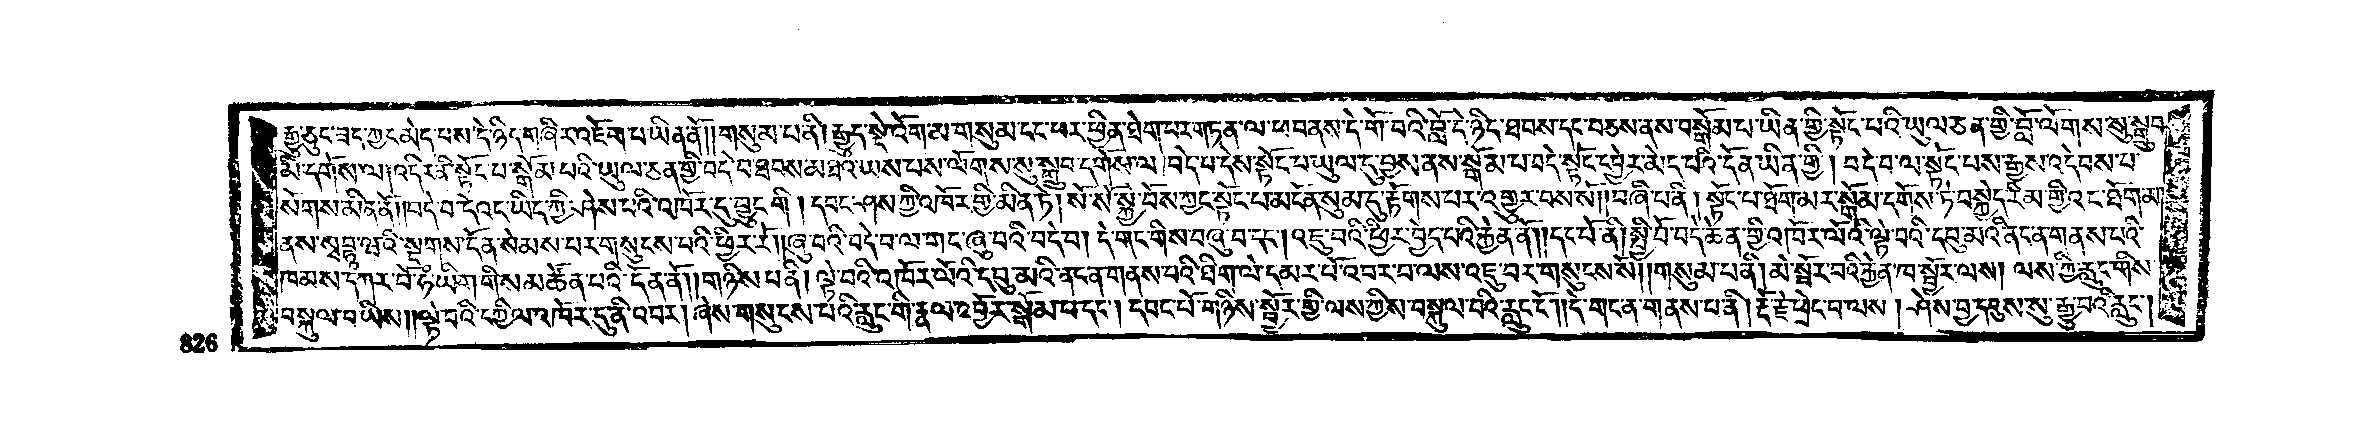རྒྱུ་ཅུང་ཟད་ཀྱང་མེད་པས་དེ་ཉིད་གཞིར་འཇོག་པ་ཡིན་ནོ། །གསུམ་པ་ནི། རྒྱུད་སྡེ་འོག་མ་གསུམ་དང་ཕར་ཕྱིན་ཐེག་པར་གཏན་ལ་ཕབ་ནས་དེ་གོ་བའི་བློ་དེ་ཉིད་ཐབས་དང་བཅས་ནས་བསྒོམ་པ་ཡིན་གྱི་སྟོང་པའི་ཡུལ་ཅན་གྱི་བློ་ལོགས་སུ་སྒྲུབ་
མི་དགོས་ལ། འདིར་ནི་སྟོང་པ་སྒོམ་པའི་ཡུལ་ཅན་གྱི་བདེ་བ་ཐབས་མཐའ་ཡས་པས་ལོགས་སུ་སྒྲུབ་དགོས་ལ། བདེ་བ་དེས་སྟོང་པ་ཡུལ་དུ་བྱས་ནས་སྒོམ་པ་བདེ་སྟོང་དབྱེར་མེད་པའི་དོན་ཡིན་གྱི། བདེ་བ་ལ་སྟོང་པས་རྒྱས་འདེབས་པ་
སོགས་མིན་ནོ། །བདེ་བ་དེའང་ཡིད་ཀྱི་ཤེས་པའི་འཁོར་དུ་བྱུང་གི །དབང་ཤེས་ཀྱི་འཁོར་གྱི་མིན་ཏེ། སོ་སོ་སྐྱེ་བོས་ཀྱང་སྟོང་པ་མངོན་སུམ་དུ་རྟོགས་པར་འགྱུར་བས་སོ། །བཞི་པ་ནི། སྟོང་པ་ཐོག་མར་སྒོམ་དགོས་ཏེ་བསྐྱེད་རིམ་གྱིའང་ཐོག་མ་
ནས་སྭ་བྷཱ་ཝའི་སྡུགས་དོན་སེམས་པར་གསུངས་པའི་ཕྱིར་རོ། །ཞུ་བའི་བདེ་བ་ལ་གང་ཞུ་བའི་བདེ་བ། དེ་གང་གིས་བཞུ་བ་དང་། འཇུ་བའི་ཕྱིར་བྱེད་པའི་རྐྱེན་ནོ། །དང་པོ་ནི། སྤྱི་བོ་བདེ་ཆེན་གྱི་འཁོར་ལོའི་ལྟེ་བའི་དབུ་མའི་ནང་ན་གནས་པའི་
ཁམས་དཀར་པོ་ཧཾ་ཡིག་གིས་མཚོན་པའི་དོན་ནོ། །གཉིས་པ་ནི། ལྟེ་བའི་འཁོར་ལོའི་དབུ་མའི་ནང་ན་གནས་པའི་ཐིག་ལེ་དམར་པོ་འབར་བ་ལས་འཇུ་བར་གསུངས་སོ། །གསུམ་པ་ནི། མེ་སྦོར་བའི་རྐྱེན་ཁ་སྦྱོར་ལས། ལས་ཀྱི་རླུང་གིས་
བསྐུལ་བ་ཡིས། །ལྟེ་བའི་དཀྱིལ་འཁོར་དུ་ནི་འབར། ཞེས་གསུངས་པའི་རླུང་གི་རྣལ་འབྱོར་སྒོམ་པ་དང་། དབང་པོ་གཉིས་སྦྱོར་གྱི་ལས་ཀྱིས་བསྐུལ་བའི་རླུང་ངོ། །དེ་གང་ན་གནས་པ་ནི། རྡོ་རྗེ་ཕྲེང་བ་ལས། ཤེས་བྱ་དབུས་སུ་རྒྱུ་བའི་རླུང་།